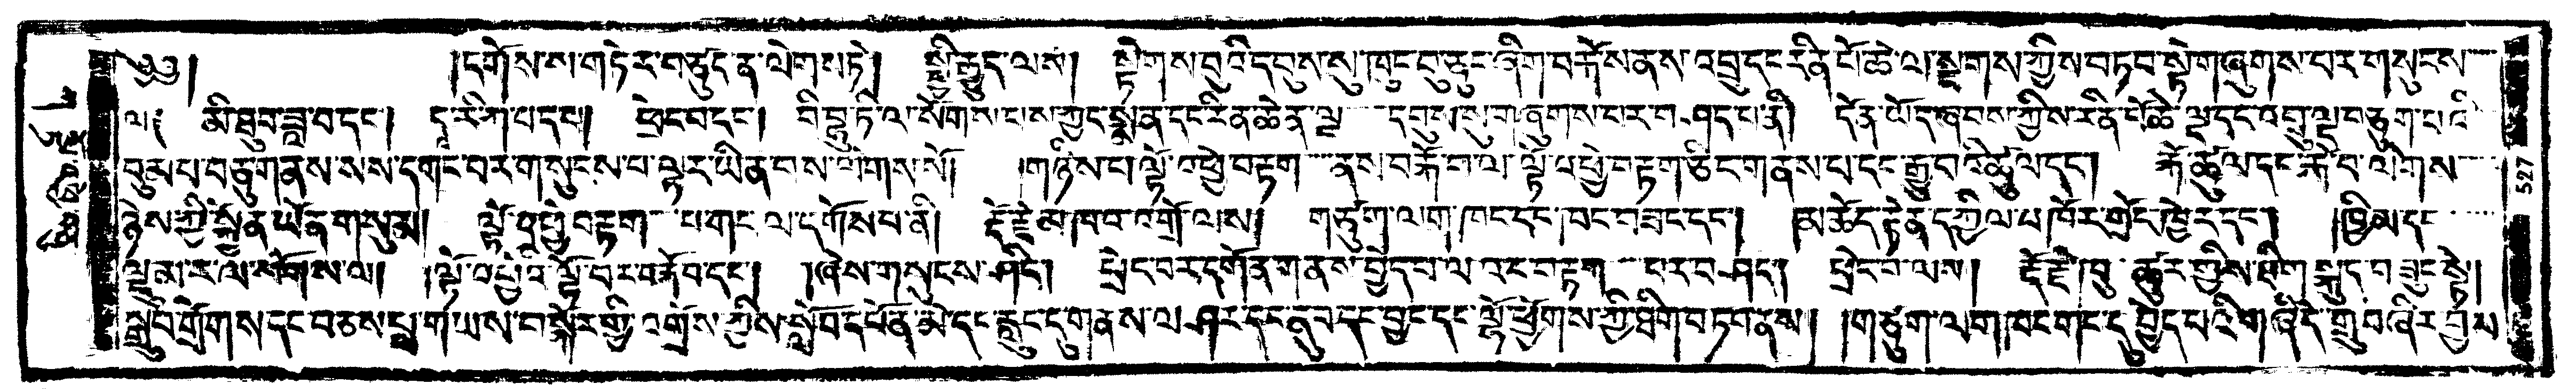༄༅། །དགོས་ས་གཏེར་བཙུད་ན་ལེགས་ཏེ། སྤྱི་རྒྱུད་ལས། སྟེགས་བུའི་དབུས་སུ་ཁུང་བུ་ཅུང་ཞིག་བརྐོས་ནས་འབྲུ་དང་རིན་པོ་ཆེ་ལ་སྔགས་ཀྱིས་བཏབ་སྟེ་གཞུགས་པར་གསུངས་
ལ། མི་ཐུབ་ཟླ་བ་དང་། དཱ་རི་ཀ་པ་དང་། ཕྲེང་བ་དང་། བི་བྷཱུ་ཏི་ལ་སོགས་པས་ཀྱང་སྨན་དང་རིན་ཆེན་ལྔ་དབུས་སུ་གཞུགས་པར་བཤད་པ་ནི། དོན་ཡོད་ཞབས་ཀྱིས་རིན་པོ་ཆེ་ལྔ་དང་འབྲུ་ལྔ་བཅུག་པའི་
བུམ་པ་བཅུ་གནས་སས་དགང་བར་གསུངས་པ་ལྟར་ཡིན་པས་ལེགས་སོ། །གཉིས་པ་ལྟོ་འཕྱེ་བརྟག་ནས་བརྐོ་བ་ལ་ལྟོ་འཕྱེ་བརྟག་ཅིང་གནས་པ་དང་རྒྱུ་བའི་ཚུལ་དང་། རྐོ་ཚུལ་དང་རྐོ་བ་ལེགས་
ཉེས་ཀྱི་སྐྱོན་ཡོན་གསུམ། ལྟོ་འཕྱེ་བརྟག་པ་གང་ལ་དགོས་བ་ནི། རྡོ་རྗེ་མཁའ་འགྲོ་ལས། གཙུག་ལག་ཁང་དང་ཁང་བཟང་དང་། །མཆོད་རྟེན་དཀྱིལ་པ་ཁོར་གྲོང་ཁྱེར་དང་།ཁྱིམ་དང་
ལྡུམ་ར་ལ་སོགས་ལ། །ལྟོ་འཕྱེའི་ལྟོ་བར་བརྐོ་བ་དང་། །ཞེས་གསུངས་ཤིང་། ཕྲེང་བར་དགོན་གནས་བྱེད་པ་ལ་འང་བརྟག་པར་བཤད། ཕྲེང་བ་ལས། རྡོ་རྗེ་ཁུ་ཚུར་གྱིས་ཐིག་སྐུད་བཟུང་སྟེ།
སྒྲུབ་གྲོགས་དང་བཅས་པས་གཡས་བསྐོར་གྱི་འགྲོས་ཀྱིས་སློབ་དཔོན་མེ་དང་རླུང་དུ་གནས་ལ་ཤར་དང་ནུབ་དང་བྱང་དང་ལྷོ་ཕྱོགས་ཀྱི་ཐིག་བཏབ་ནས། །གཙུག་ལག་ཁང་གང་དུ་བྱེད་པའི་གཞི་དེ་གྲུབ་ཞིར་བྱམ་